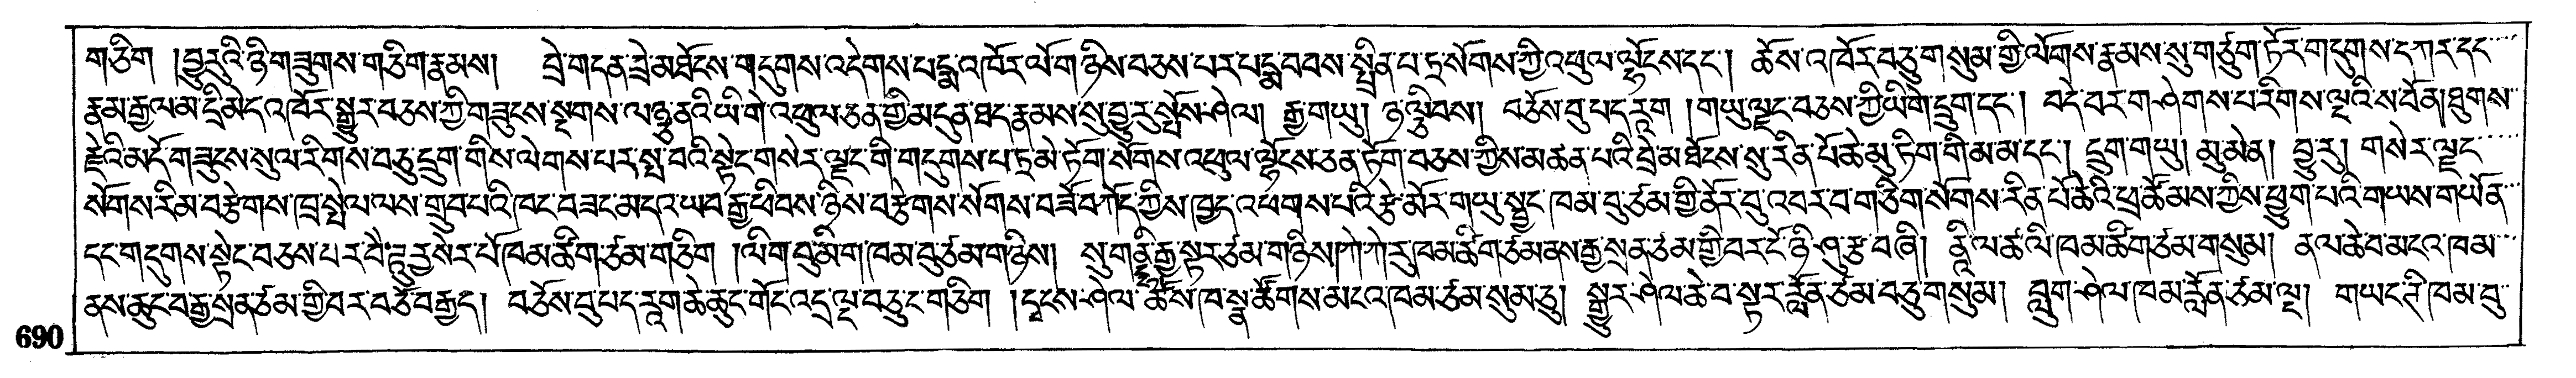གཅིག །བྱུ་རུའི་ཉི་གཟུགས་གཅིག་རྣམས། བྲེ་གདན་བྲེ་མཐོངས་གདུགས་འདེགས་པདམ་འཁོར་ལོ་གཉིས་བཅས་པར་པདམ་བབས་སྤྲིན་པ་ཏྲ་སོགས་ཀྱི་འཕུལ་ལྷོངས་དང་། ཆོས་འཁོར་བཅུ་གསུམ་གྱི་ལོགས་རྣམས་སུ་གཙུག་ཏོར་གདུགས་དཀར་དང་
རྣམ་རྒྱལ་མ་དྲི་མེད་འཁོར་སྒྱུར་བཅས་ཀྱི་གཟུངས་སྔགས་ལ་ཉཙ་ནའི་ཡི་གེ་འཕུལ་ཅན་གྱི་མདུན་ཐད་རྣམས་སུ་བྱུ་རུ་སྤོས་ཤེལ། རྒྱ་གཡུ། ཉ་ལྕིབས། བཅོས་བུ་པད་རཱག །གཡུ་ལྗང་བཅས་ཀྱི་ཡིག་དྲུག་དང་། བདེ་བར་གཤེགས་པ་རིགས་ལྔའི་ས་བོན། ཐུགས་
རྗེའི་མདོ་གཟུངས་སུལ་རིགས་བཅུ་དྲུག་གིས་ལེགས་པར་སྤ་བའི་སྟེང་གསེར་ལྗང་གི་གདུགས་པ་ཏྲ་མེ་ཏོག་སོགས་འཕུལ་ལྷོངས་ཅན་ཏོག་བཅས་ཀྱིས་མཚན་པའི་བྲེ་མཐོངས་སུ་རིན་པོ་ཆེ་མུ་ཏིག་གི་མ་མ་དང་། དྲུག་གཡུ། མུ་མེན། བྱུ་རུ། གསེར་ལྗང་
སོགས་རིམ་བརྩེགས་ཁྲ་སྤེལ་ལས་གྲུབ་པའི་ཁང་བཟང་མདའ་ཡབ་རྒྱ་ཕིབས་ཉིས་བརྩེགས་སོགས་བཟོ་བཀོད་ཀྱིས་ཁྱད་འཕགས་པའི་རྩེ་མོར་གཡུ་སྦྱང་ཁམ་བུ་ཙམ་གྱི་ནོར་བུ་འབར་བ་གཅིག་སོགས་རིན་པོ་ཆེའི་ཕྲ་ཚོམས་ཀྱིས་ཕྱུག་པའི་གཡས་གཡོན་
དང་གདུགས་སྟེང་བཅས་བར་བཻ་ཌཱུརྱ་སེར་པོ་ཁམ་ཆིག་ཙམ་གཅིག །ལིག་བུ་མིག་ཁམ་བུ་ཙམ་གཉིས། སུ་གནྡྷི་རྒྱ་སྟར་ཙམ་གཉིས། ཀེ་ཀེ་རུ་ཁམ་ཚིག་ཙམ་ནས་རྒྱ་སྲན་ཙམ་གྱི་བར་ངོ་ཉི་ཤུ་རྩ་བཞི། ནཱི་ལ་ཚ་ལི་ཁམ་ཚིག་ཙམ་གསུམ། ནལ་ཆེ་བ་མངའ་ཁམ་
ནས་ཆུང་བརྒྱ་སྲན་ཙམ་གྱི་བར་བཅོ་བརྒྱད། བཅོས་བུ་པད་རཱག་ཆེ་ཆུང་གོང་འདྲ་ལྔ་བཅུ་ང་གཅིག །དྭངས་ཤེལ་ཆོས་ཁ་སྣ་ཚོགས་མངའ་ཁམ་ཙམ་སུམ་ཅུ། སྒྱུར་ཤེལ་ཆེ་བ་སྟར་རློན་ཙམ་བཅུ་གསུམ། བླུག་ཤེལ་ཁམ་རློན་ཙམ་ལྔ། གཡང་ཊི་ཁམ་བུ་